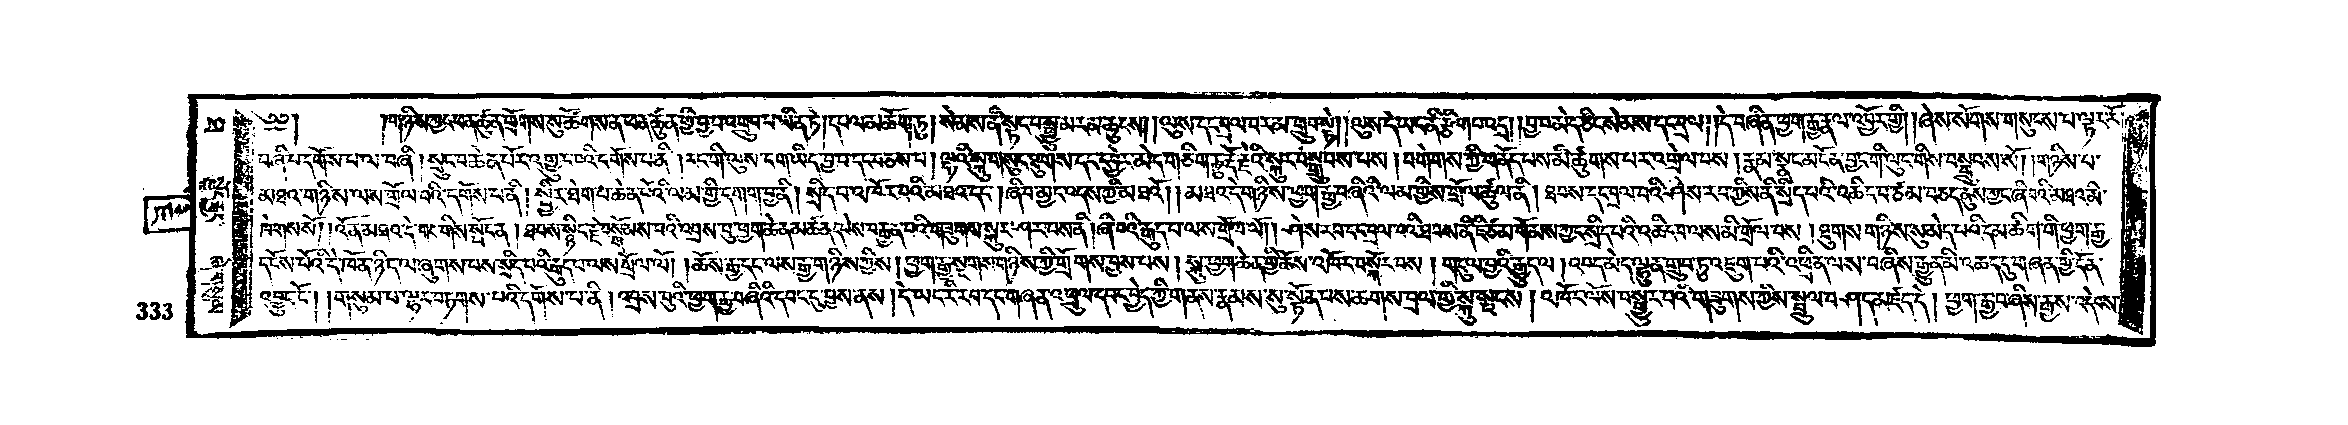༄༅། །གཉིས་ཀྱང་ཕན་ཚུན་གྲོགས་སུ་ཚོགས་ན་ཕན་ཚུན་གྱི་བྱ་བ་འགྲུབ་པ་ཡིན་ཏེ། དཔལ་མཆོག་ཏུ། སེམས་ནི་སྟོང་པ་སྒྱུ་མར་མཚུངས། །ལུས་དང་བྲལ་བར་མ་གྲུབ་སྟེ། །ལུས་དེ་ཡང་ནི་རྩིག་པ་འདྲ། །བྱ་བ་མེད་ཅིང་སེམས་དང་བྲལ། །དེ་བཞིན་ཕྱག་རྒྱ་རྣལ་འབྱོར་གྱི། །ཞེས་སོགས་གསུངས་པ་ལྟར་རོ།
བཞི་པ་དགོས་པ་ལ་བཞི། སྲུང་བ་ཆེན་པོར་འགྱུར་བའི་དགོས་པ་ནི། རང་གི་ལུས་ངག་ཡིད་བྱ་བ་དང་བཅས་པ། ལྷའི་སྐུ་གསུང་ཐུགས་དང་དབྱེར་མེད་གཅིག་ཏུ་རྡོ་རྗེའི་སྐུར་བསྒྲུབས་པས། བགེགས་ཀྱི་གནོད་པས་མི་ཚུགས་པར་འགྲེལ་བས། རྣམ་སྣང་མངོན་བྱང་གི་ལུང་གིས་བསྒྲུབས་སོ། །གཉིས་པ་
མཐའ་གཉིས་ལས་གྲོལ་བའི་དགོས་པ་ནི། སྤྱིར་ཐེག་པ་ཆེན་པོའི་ལམ་གྱི་དགག་བྱ་ནི། སྲིད་པ་འཁོར་བའི་མཐའ་དང་། ཞི་བ་མྱང་འདས་ཀྱི་མཐའོ། །མཐའ་དེ་གཉིས་ཕྱག་རྒྱ་བཞིའི་ལམ་གྱིས་གྲོལ་ཚུལ་ནི། ཐབས་དང་བྲལ་བའི་ཤེས་རབ་ཀྱིས་ནི་སྲིད་པའི་འཆིང་བ་ཙམ་བཅད་ནུས་ཀྱང་ཞི་བའི་མཐའ་མི་
ཁེགས་སོ། །འོ་ན་མཐའ་དེ་གང་གིས་སྤོང་ན། ཐབས་སྙིང་རྗེ་བསྒོམས་པའི་འབྲས་བུ་ཕྱག་ཆེན་མཚན་དཔེས་བརྒྱན་པའི་གཟུགས་སྐུར་ཤར་བས་ནི། ཞི་བའི་རྒུད་པ་ལས་གྲལ་ལོ། །ཤེས་རབ་དང་བྲལ་བའི་ཐབས་ནི་ཇི་ཙམ་གོམས་ཀྱང་སྲིད་པའི་འཆིང་བ་ལས་མི་གྲོལ་བས། ཐུགས་གཉིས་སུ་མེད་པའི་དམ་ཚིག་གི་ཕྱག་རྒྱ་
དངོས་པོའི་དེ་ཁོ་ན་ཉིད་ལ་ཞུགས་པས་སྲིད་པའི་རྒུད་པ་ལས་གྲོལ་ལོ། །ཆོས་རྒྱ་དང་ལས་རྒྱ་གཉིས་ཀྱིས། ཕྱག་རྒྱ་སྔགས་གཉིས་ཀྱི་གྲོགས་བྱས་པས། སྐུ་ཕྱག་ཆེན་གྱི་ཆོས་འཁོར་བསྐོར་བས། གདུལ་བྱའི་རྒྱུད་ལ། འབད་མེད་ལྷུན་གྲུབ་ཏུ་འཇུག་པའི་འཕྲིན་ལས་བཞིས་རྒྱུན་མི་འཆད་དུ་གཞན་གྱི་དོན་
འབྱུང་ངོ། །གསུམ་པ་ལྷར་བཏགས་པའི་དགོས་པ་ནི། འབྲས་བུའི་ཕྱག་རྒྱ་བཞིའི་དབང་དུ་བྱས་ནས། དེ་ཡང་རི་རབ་དང་གཞན་འཕྲུལ་དབང་བྱེད་ཀྱི་གནས་རྣམས་སུ་སྟོན་པས་ཆགས་བྲལ་གྱི་སྐུ་སྤངས། འཁོར་ལོས་བསྒྱུར་བའི་གཟུགས་ཀྱིས་སྦྲུལ་བཤད་མཛད་དེ། ཕྱག་རྒྱ་བཞིས་རྒྱས་འདེབས་